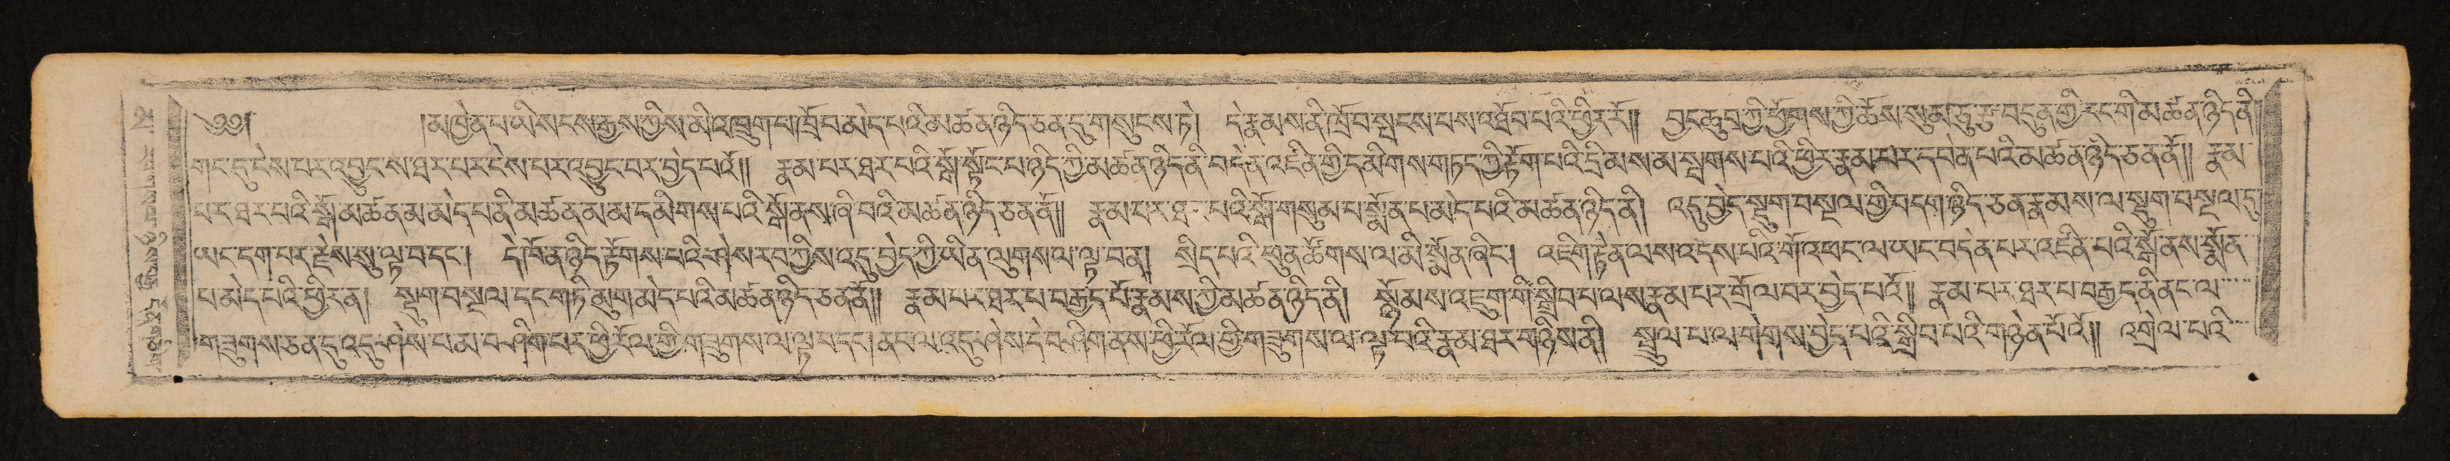༄༅། །མཁྱེན་པ་ཡི་སངས་རྒྱས་ཀྱིས་མི་འཁྲུག་པ་ཁྲོ་བ་མེད་པའི་མཚན་ཉིད་ཅན་དུ་གསུངས་ཏེ། དེ་རྣམས་ནི་ཁྲོ་བ་སྤངས་པས་འཐོབ་པའི་ཕྱིར་རོ།། བྱང་ཆུབ་ཀྱི་ཕྱོགས་ཀྱི་ཆོས་སུམ་ཅུ་རྩ་བདུན་གྱི་རང་གི་མཚན་ཉིད་ནི།
གང་དུ་ངེས་པར་འབྱུང་ས་ཐར་པར་ངེས་པར་འབྱུང་བར་བྱེད་པའོ།། རྣམ་པར་ཐར་པའི་སྒོ་སྟོང་པ་ཉིད་ཀྱི་མཚན་ཉིད་ནི་བདེན་འཛིན་གྱི་དམིགས་གཏད་ཀྱི་རྟོག་པའི་དྲི་མས་མ་སྦགས་པའི་ཕྱིར་རྣམ་པར་དབེན་པའི་མཚན་ཉིད་ཅན་ནོ།། རྣམ་
པར་ཐར་པའི་སྒོ་མཚན་མ་མེད་པ་ནི་མཚན་མ་མ་དམིགས་པའི་སྒོ་ནས་ཞི་བའི་མཚན་ཉིད་ཅན་ནོ།། རྣམ་པར་ཐར་པའི་སྒོ་གསུམ་པ་སྨོན་པ་མེད་པའི་མཚན་ཉིད་ནི། འདུ་བྱེད་སྡུག་བསྔལ་གྱི་བདག་ཉིད་ཅན་རྣམས་ལ་སྡུག་བསྔལ་དུ་
ཡང་དག་པར་རྗེས་སུ་ལྟ་བ་དང་། དེ་ཁོ་ན་ཉིད་རྟོགས་པའི་ཤེས་རབ་ཀྱིས་འདུ་བྱེད་ཀྱི་ཡིན་ལུགས་ལ་ལྟ་བ་ན། སྲིད་པའི་ཕུན་ཚོགས་ལ་མི་སྨོན་ཞིང་། འཇིག་རྟེན་ལས་འདས་པའི་གོ་འཕང་ལ་ཡང་བདེན་པར་འཛིན་པའི་སྒོ་ནས་སྨོན་
པ་མེད་པའི་ཕྱིར་ན། སྡུག་བསྔལ་དང་གཏི་མུག་མེད་པའི་མཚན་ཉིད་ཅན་ནོ།། རྣམ་པར་ཐར་པ་བརྒྱད་པོ་རྣམས་ཀྱི་མཚན་ཉིད་ནི། སྙོམས་འཇུག་གི་སྒྲིབ་པ་ལས་རྣམ་པར་གྲོལ་བར་བྱེད་པའོ།། རྣམ་པར་ཐར་པ་བརྒྱད་ནི་ནང་ལ་
གཟུགས་ཅན་དུ་འདུ་ཤེས་པ་མ་བཤིག་པར་ཕྱི་རོལ་གྱི་གཟུགས་ལ་ལྟ་བ་དང་། ནང་ལ་འདུ་ཤེས་དེ་བཤིག་ནས་ཕྱི་རོལ་གྱི་གཟུགས་ལ་ལྟ་བའི་རྣམ་ཐར་གཉིས་ནི། སྤྲུལ་པ་ལ་གེགས་བྱེད་པའི་སྒྲིབ་པའི་གཉེན་པོའོ།། འགྲེལ་པའི་